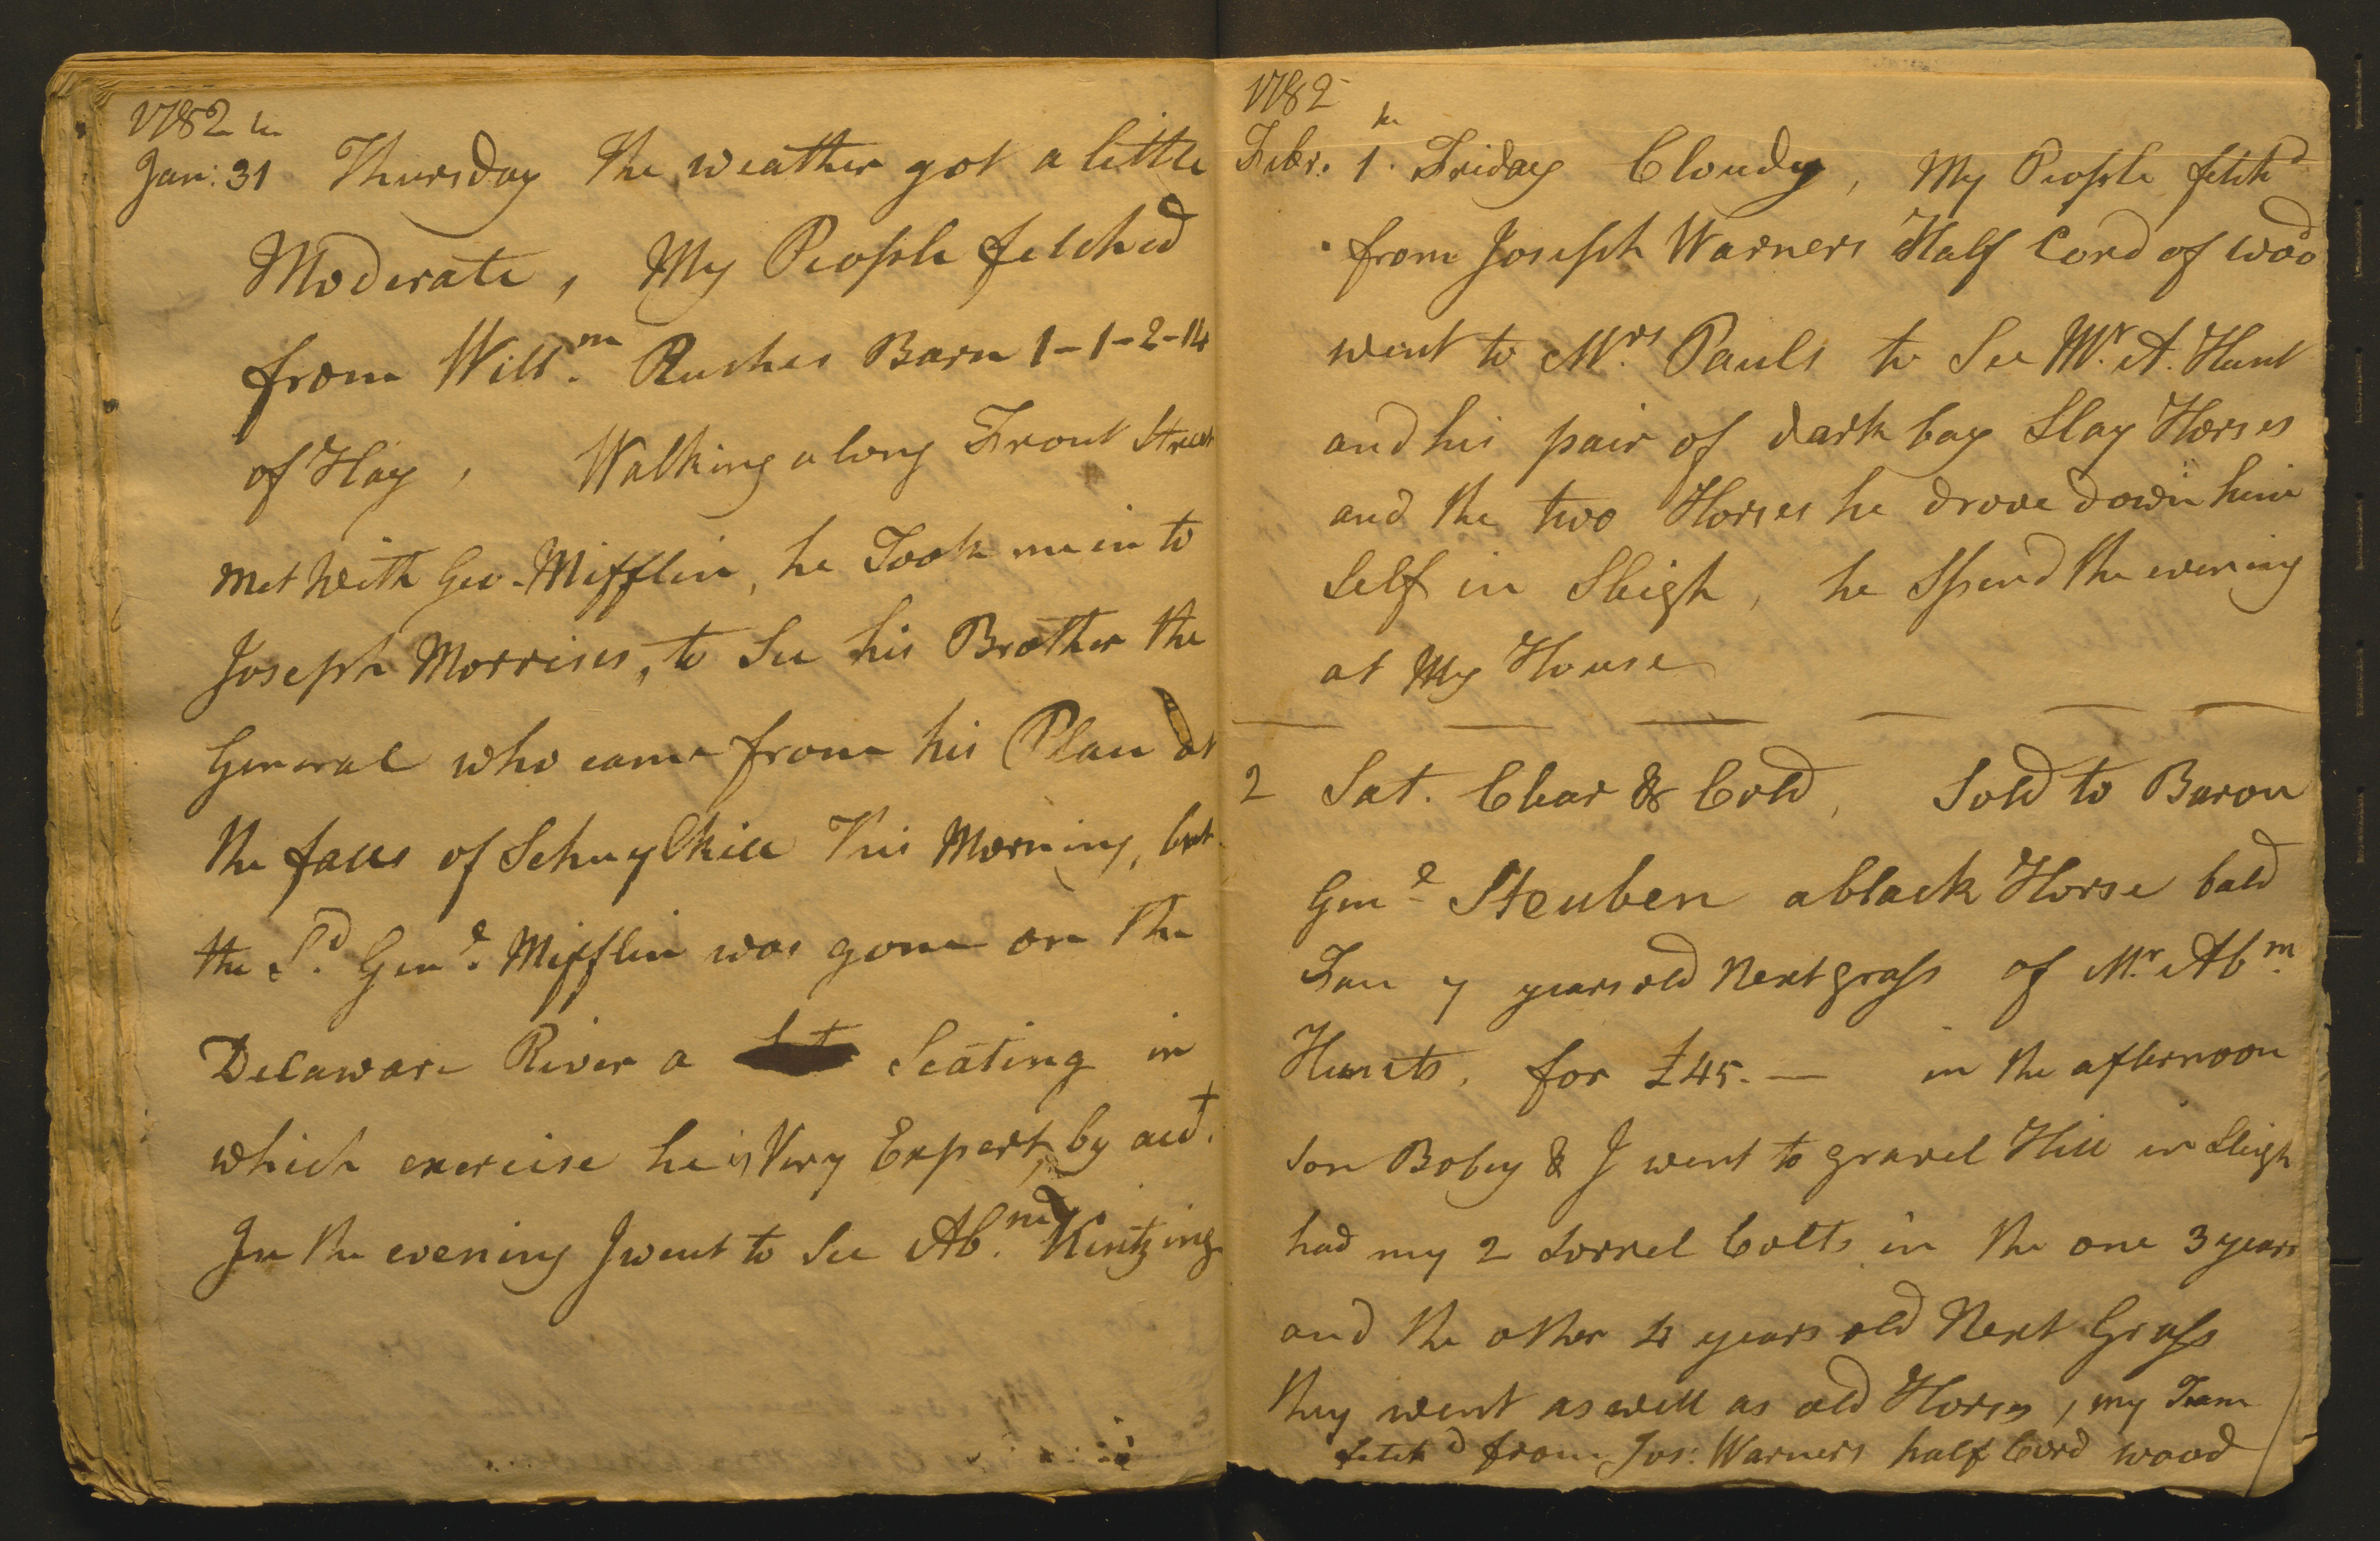1782
Jan: 31^th Thursday The weather got a little
Moderate, My People fetched
from Will^m. Rushes Barn 1-1-2-14
of Hay, Walking along Front Street
met with Gen. Mifflin he Took me in to
Joseph Morrises, to see his Brother the
General who came from his Place at
the falls of Schuylkill This Moring, but
the s^d. Gen^l. Mifflin was gone on the
Delaware River a [but] Seating in
which exercise he is Very Expert, by acc^t.
In the evening I went to see Ab^m. Kintzing
1782
Febr. 1^th. Friday Cloudy, My People fetch^l.
from Joseph Warners Half Cord of Woo^d
went to M^rs. Pauls to see M^r. A. Hunt
and his pair of dark bay Slay Horses
and the two Horses he drove down him
self in Sleigh, he spend the evening
at My House
2 Sat. Clear & Cold, Sold to Baron
Gen^l. Steuben a black Horse bald
Fan 7 years old Next grass of M^r. Ab^m.
Hunts. for £45- in the afternoon
son Bobey & I went to gravel Hill in sleigh
had my 2 sorrel Colts in the one 3 years
and the other 4 years old Next Grass
they went as well as old Horse, my Team
fetchd from Jos. Warners half Cord wood